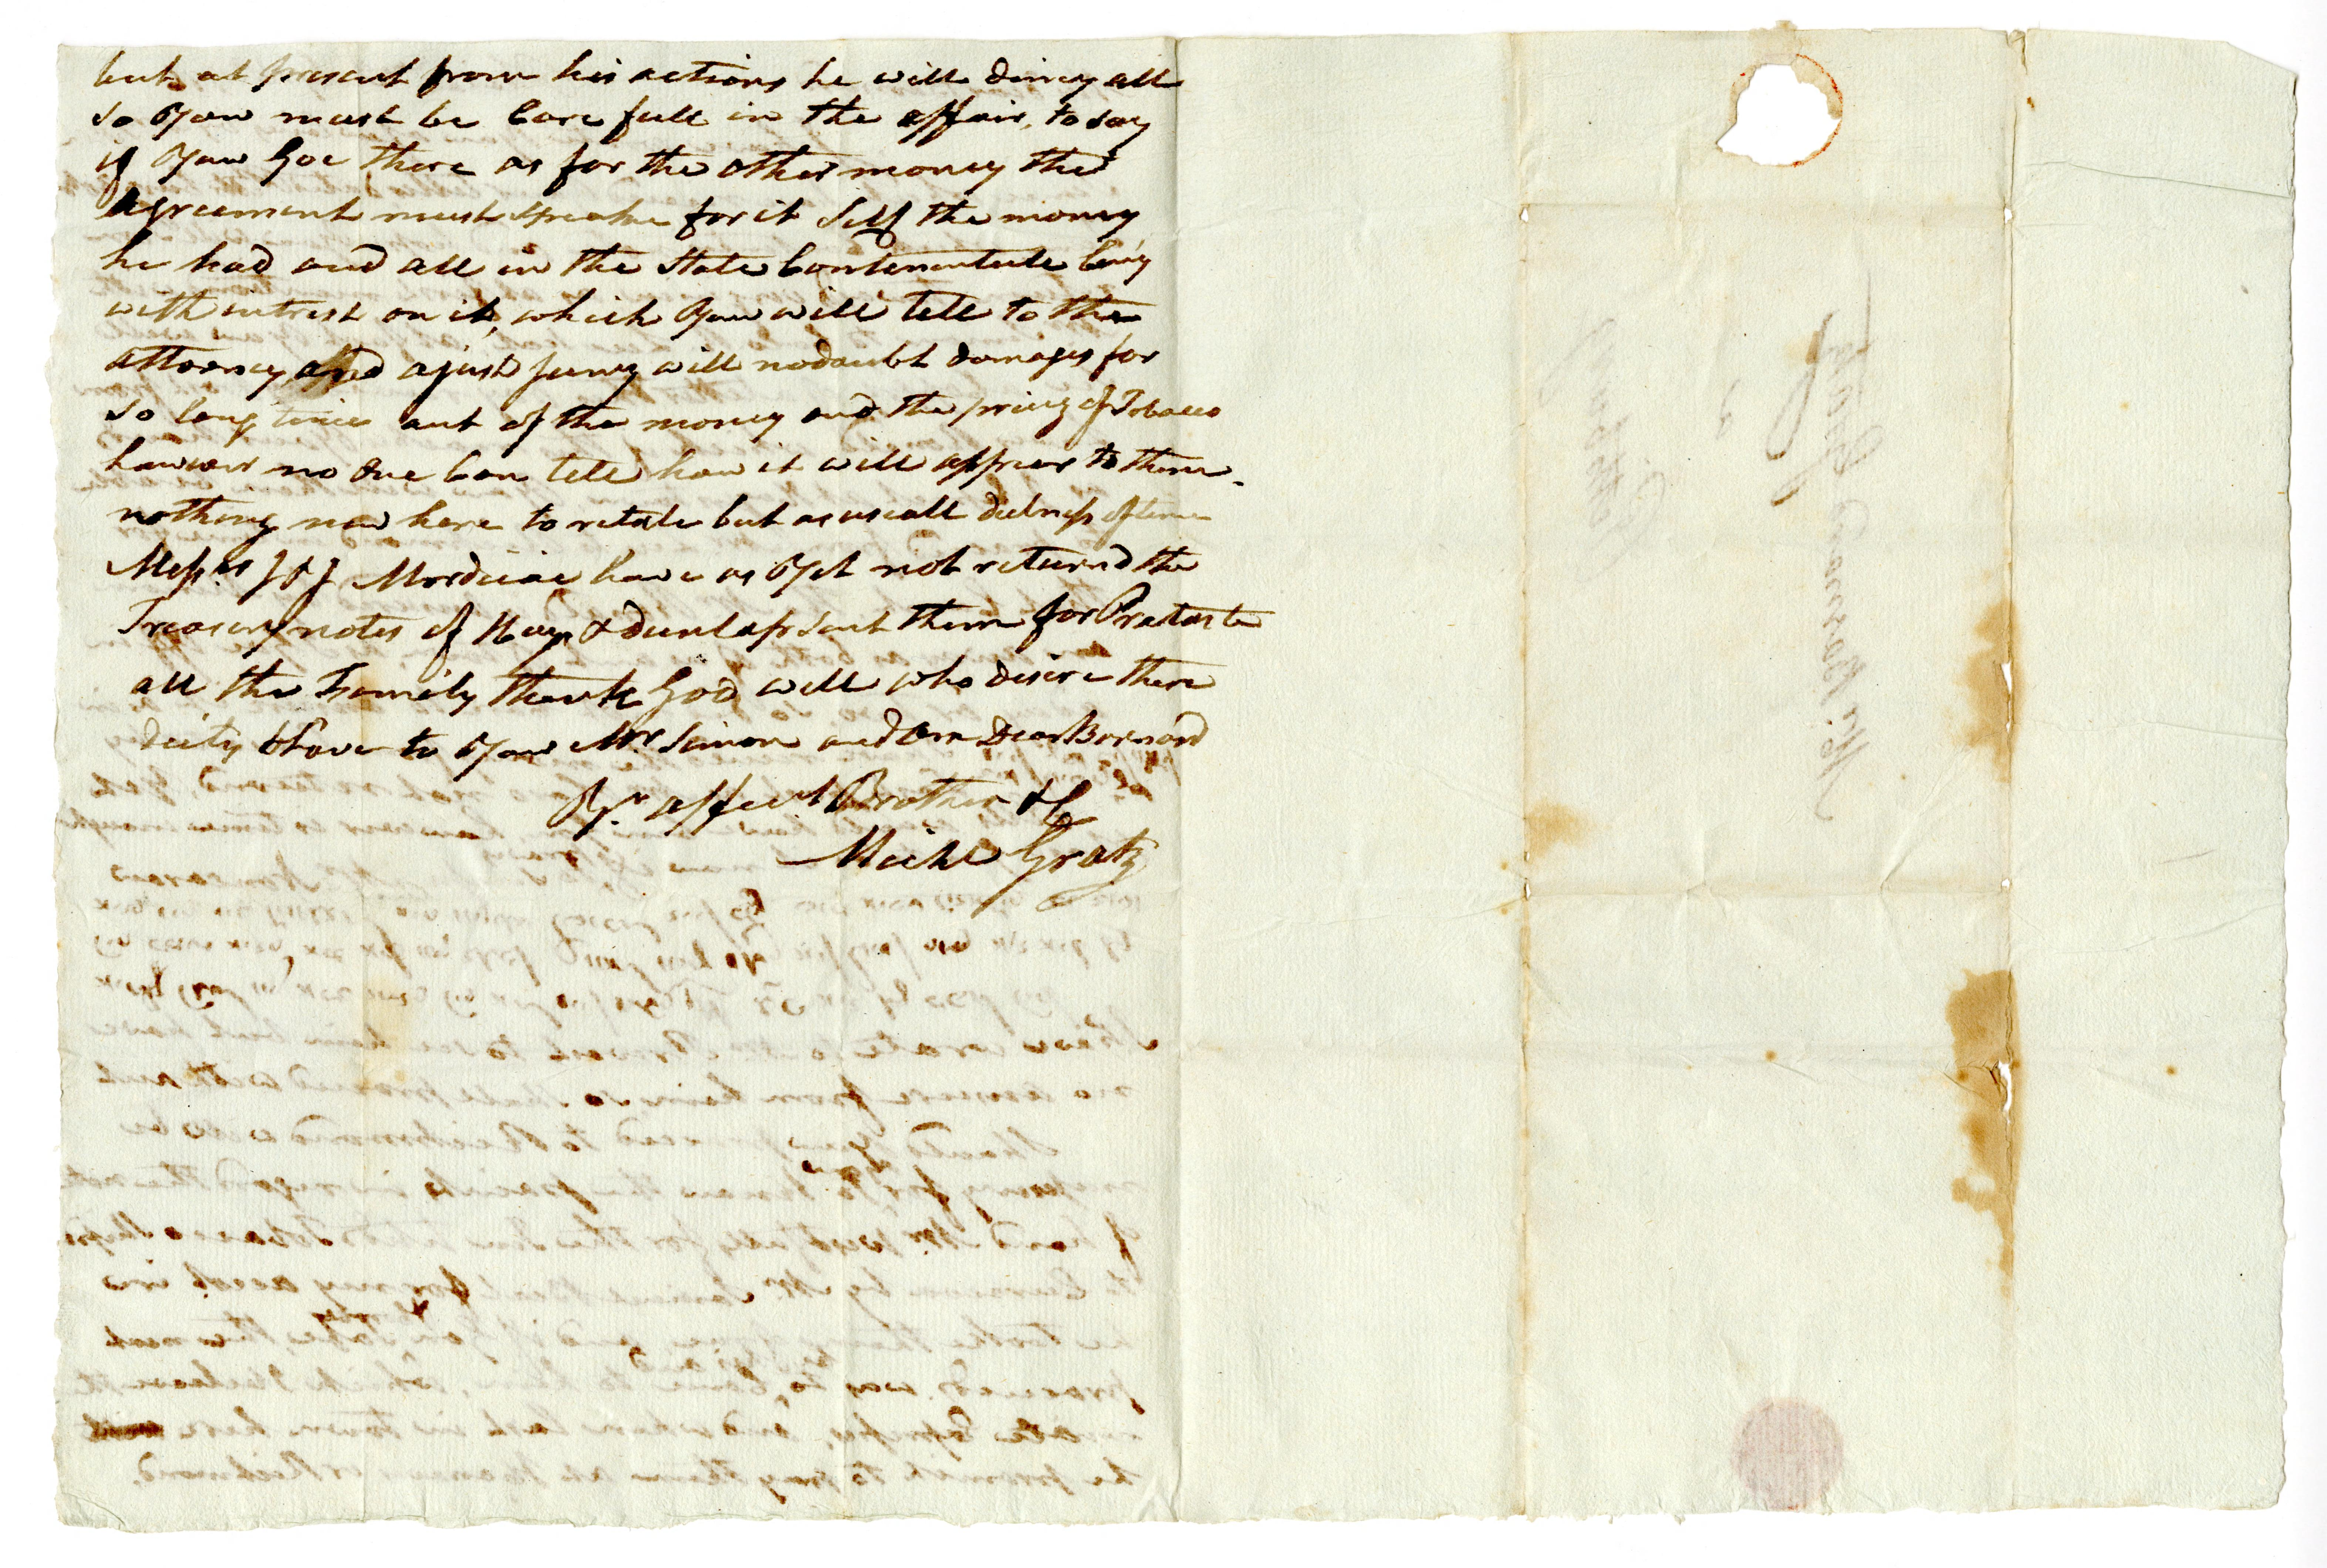but at present from his actions he will doing all
so you must be Carefull in the affair to say
if you goe there as for the other money the
agreement must speake for it self the money
he had and all in the States Contemplate being
with interest on it, which you will tell to the
attorney and ajust Jury will no doubt damages for
so long time and of the money and the pricing of Tobacco
however no one can tell how it will appear to them
nothing new here to retale but as usuall dulness of time
Mess^rs. J &J Mordecai have as yet not returnd the
Treaty notes of Hay & Dunlap sent them for Pretente
all the Family thank God well who desire there
& favor to you Mr Simon and are Dear Barnard
Y^r affect Brother H
Mich^l Gratz